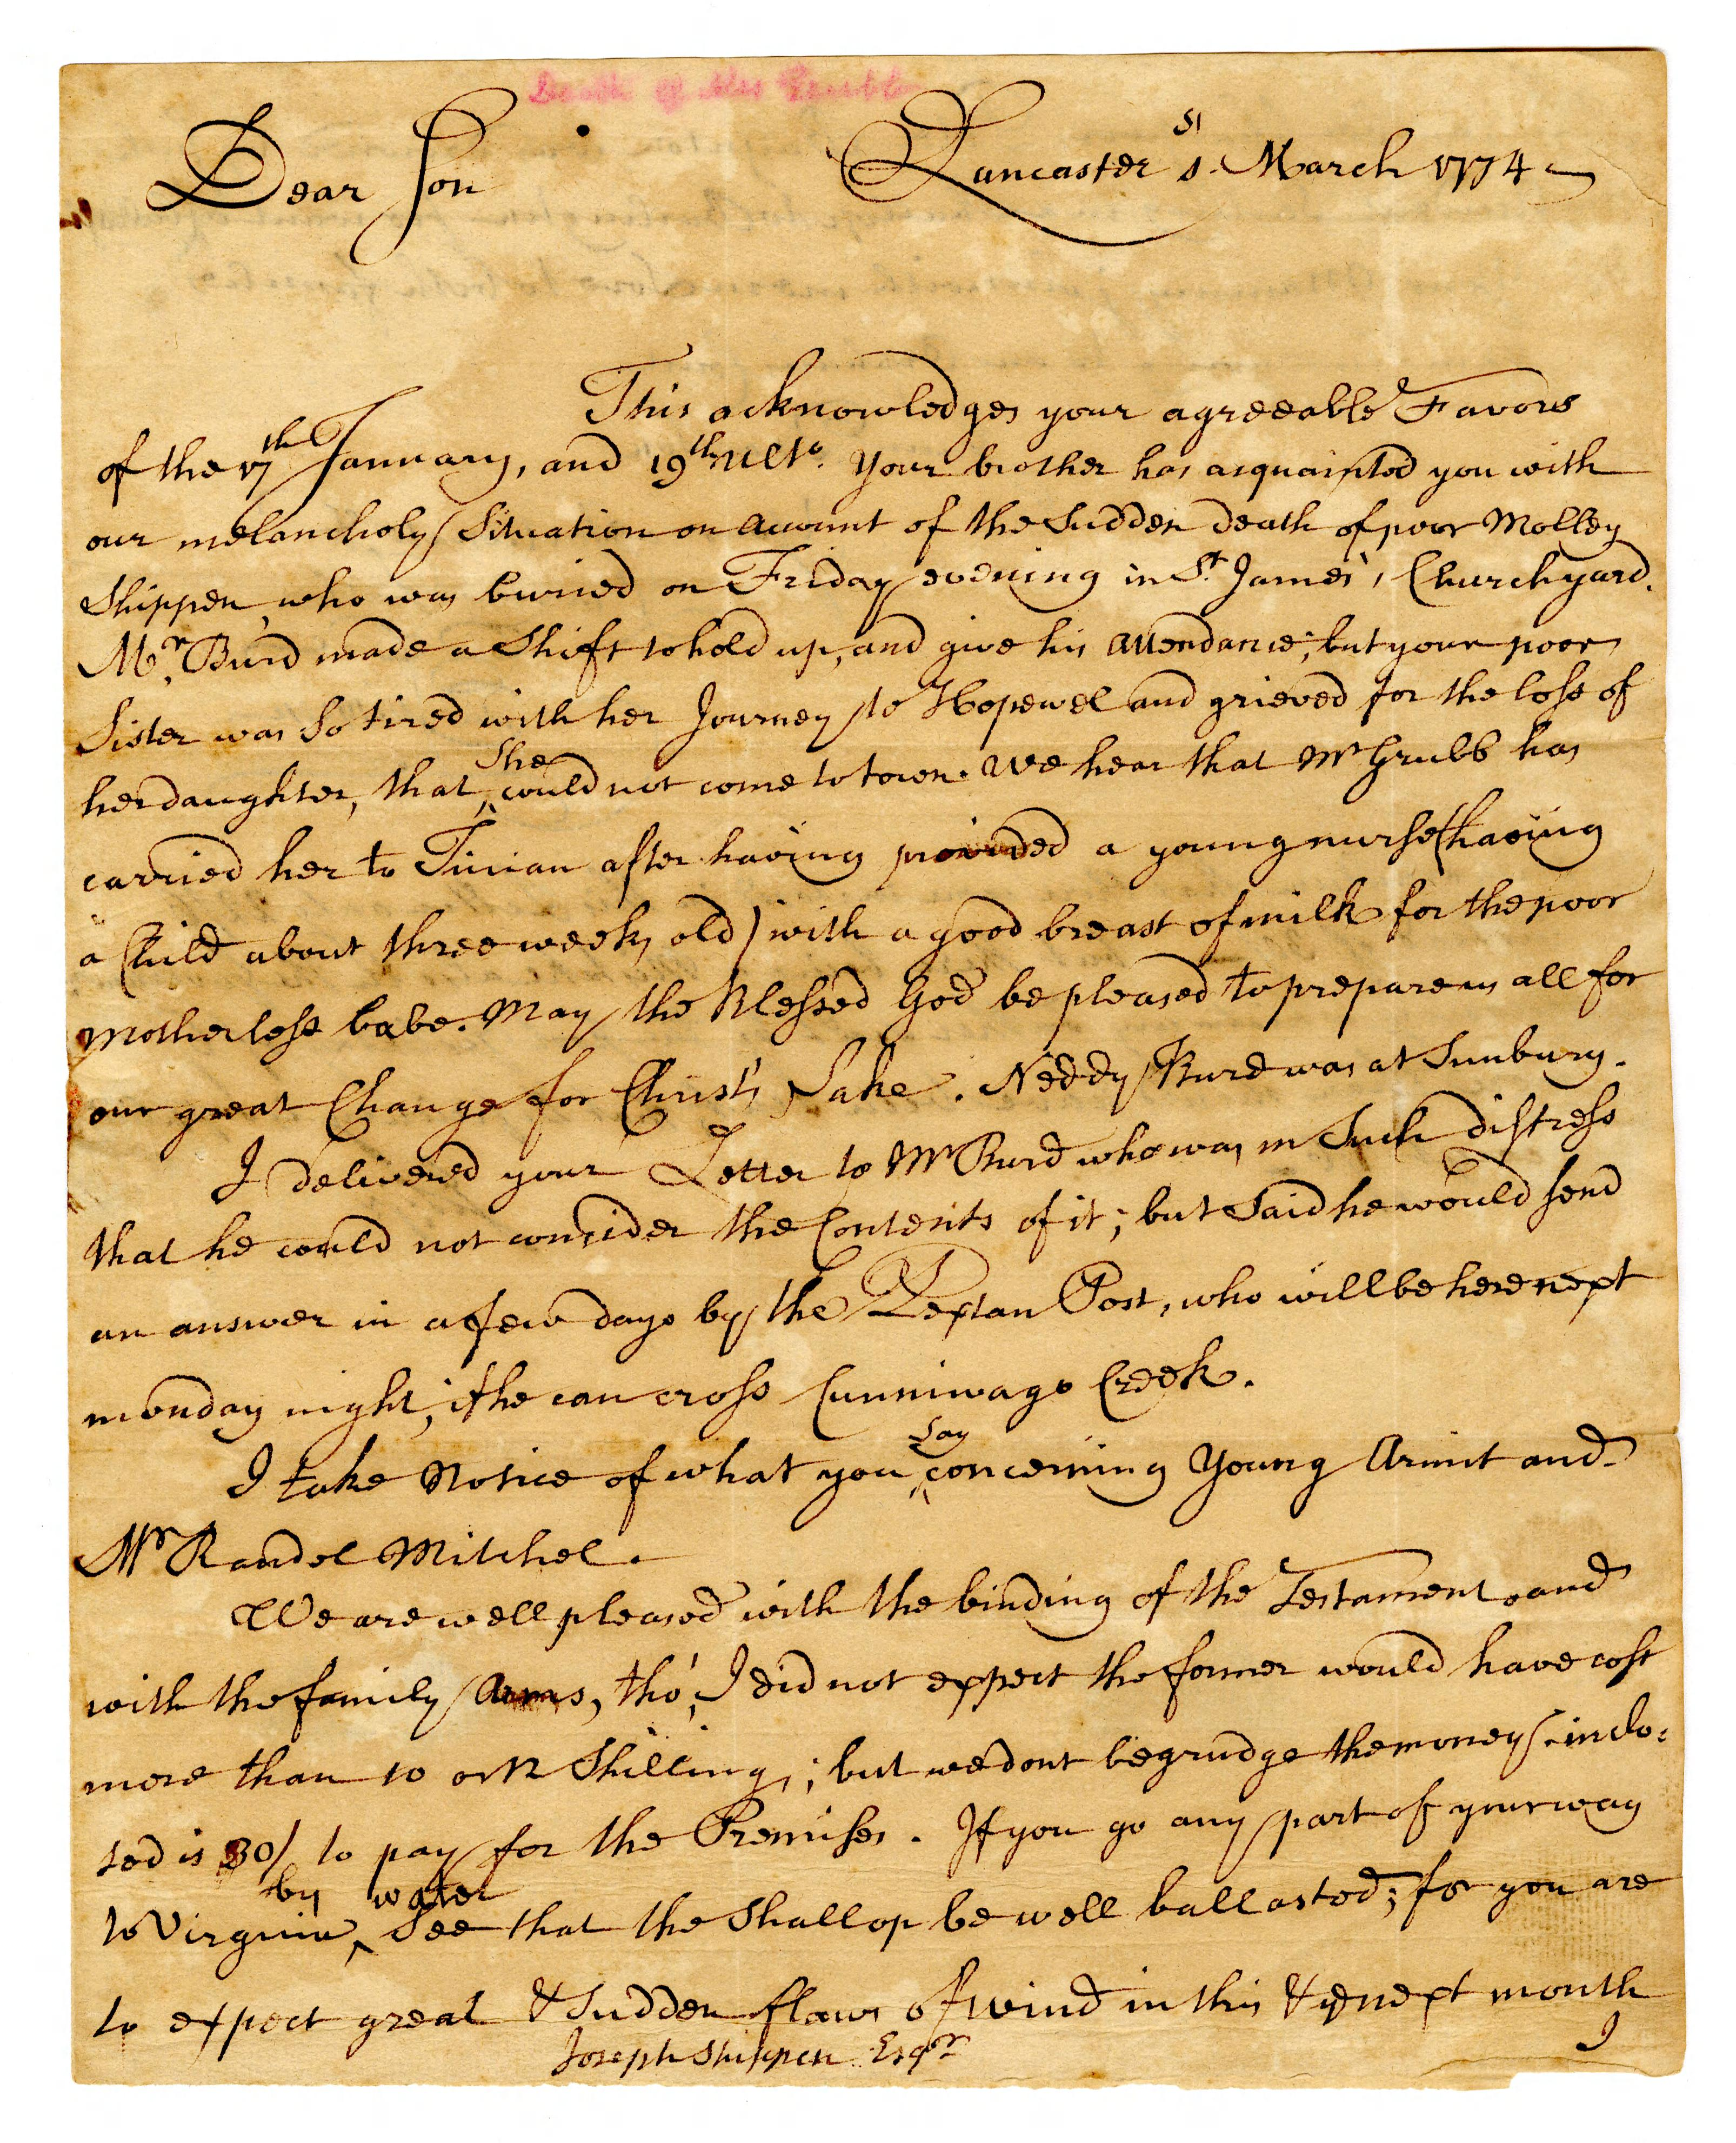Lancaster 1^st March 1774-
Dear Son
This acknowledges your agreeable Favors
of the 17^th January, and 19^th ult^o. Your brother has acquainted you with
our melancholy situation on account of the sudden death of our Molley
Shippen, who was buried on Friday evening in S^t. James's Churchyard.
M^r. Burd made a shift to hold up, and give his attendance; but your poor
sister was so tired with her Journey to Hopewel and grieved for the loss of
She
her daughter, that ^ could not come to town. We hear that M^r Grulb has
carried her to Trivian after having provided a young nurse (having
a Child about three weeks old) with a good breast of milk for the poor
motherless babe. May the Blessed God be pleased to prepare us all for
our great Change for Christ's Sake. Neddy Burd was at Sunbury.
I delivered your Letter to M^r Burd who was in Such distress
that he could not consider the Contents of it; but said he would send
an answer in a few days by the Lexlan Post, who will be here next
monday night, if he can cross Cunniwage Creek.
Say
I take Notice of what you ^ concerning Young Armit and
M^r Randel Mitchel.
We are well pleased with the binding of the Testaments and
with the family Arms, tho', I did not expect the former would have cost
more than 10 or 12 Shillings; but we dont begrudge the money-inclo:
sed is 30s to pay for the Premises. If you go any part of your way
by water
to Virginia ^ see that the shallop be well ballasted; for you are
to expect great & sudden flows of wind in this & end of month
I
Joseph Shippen Esq^r